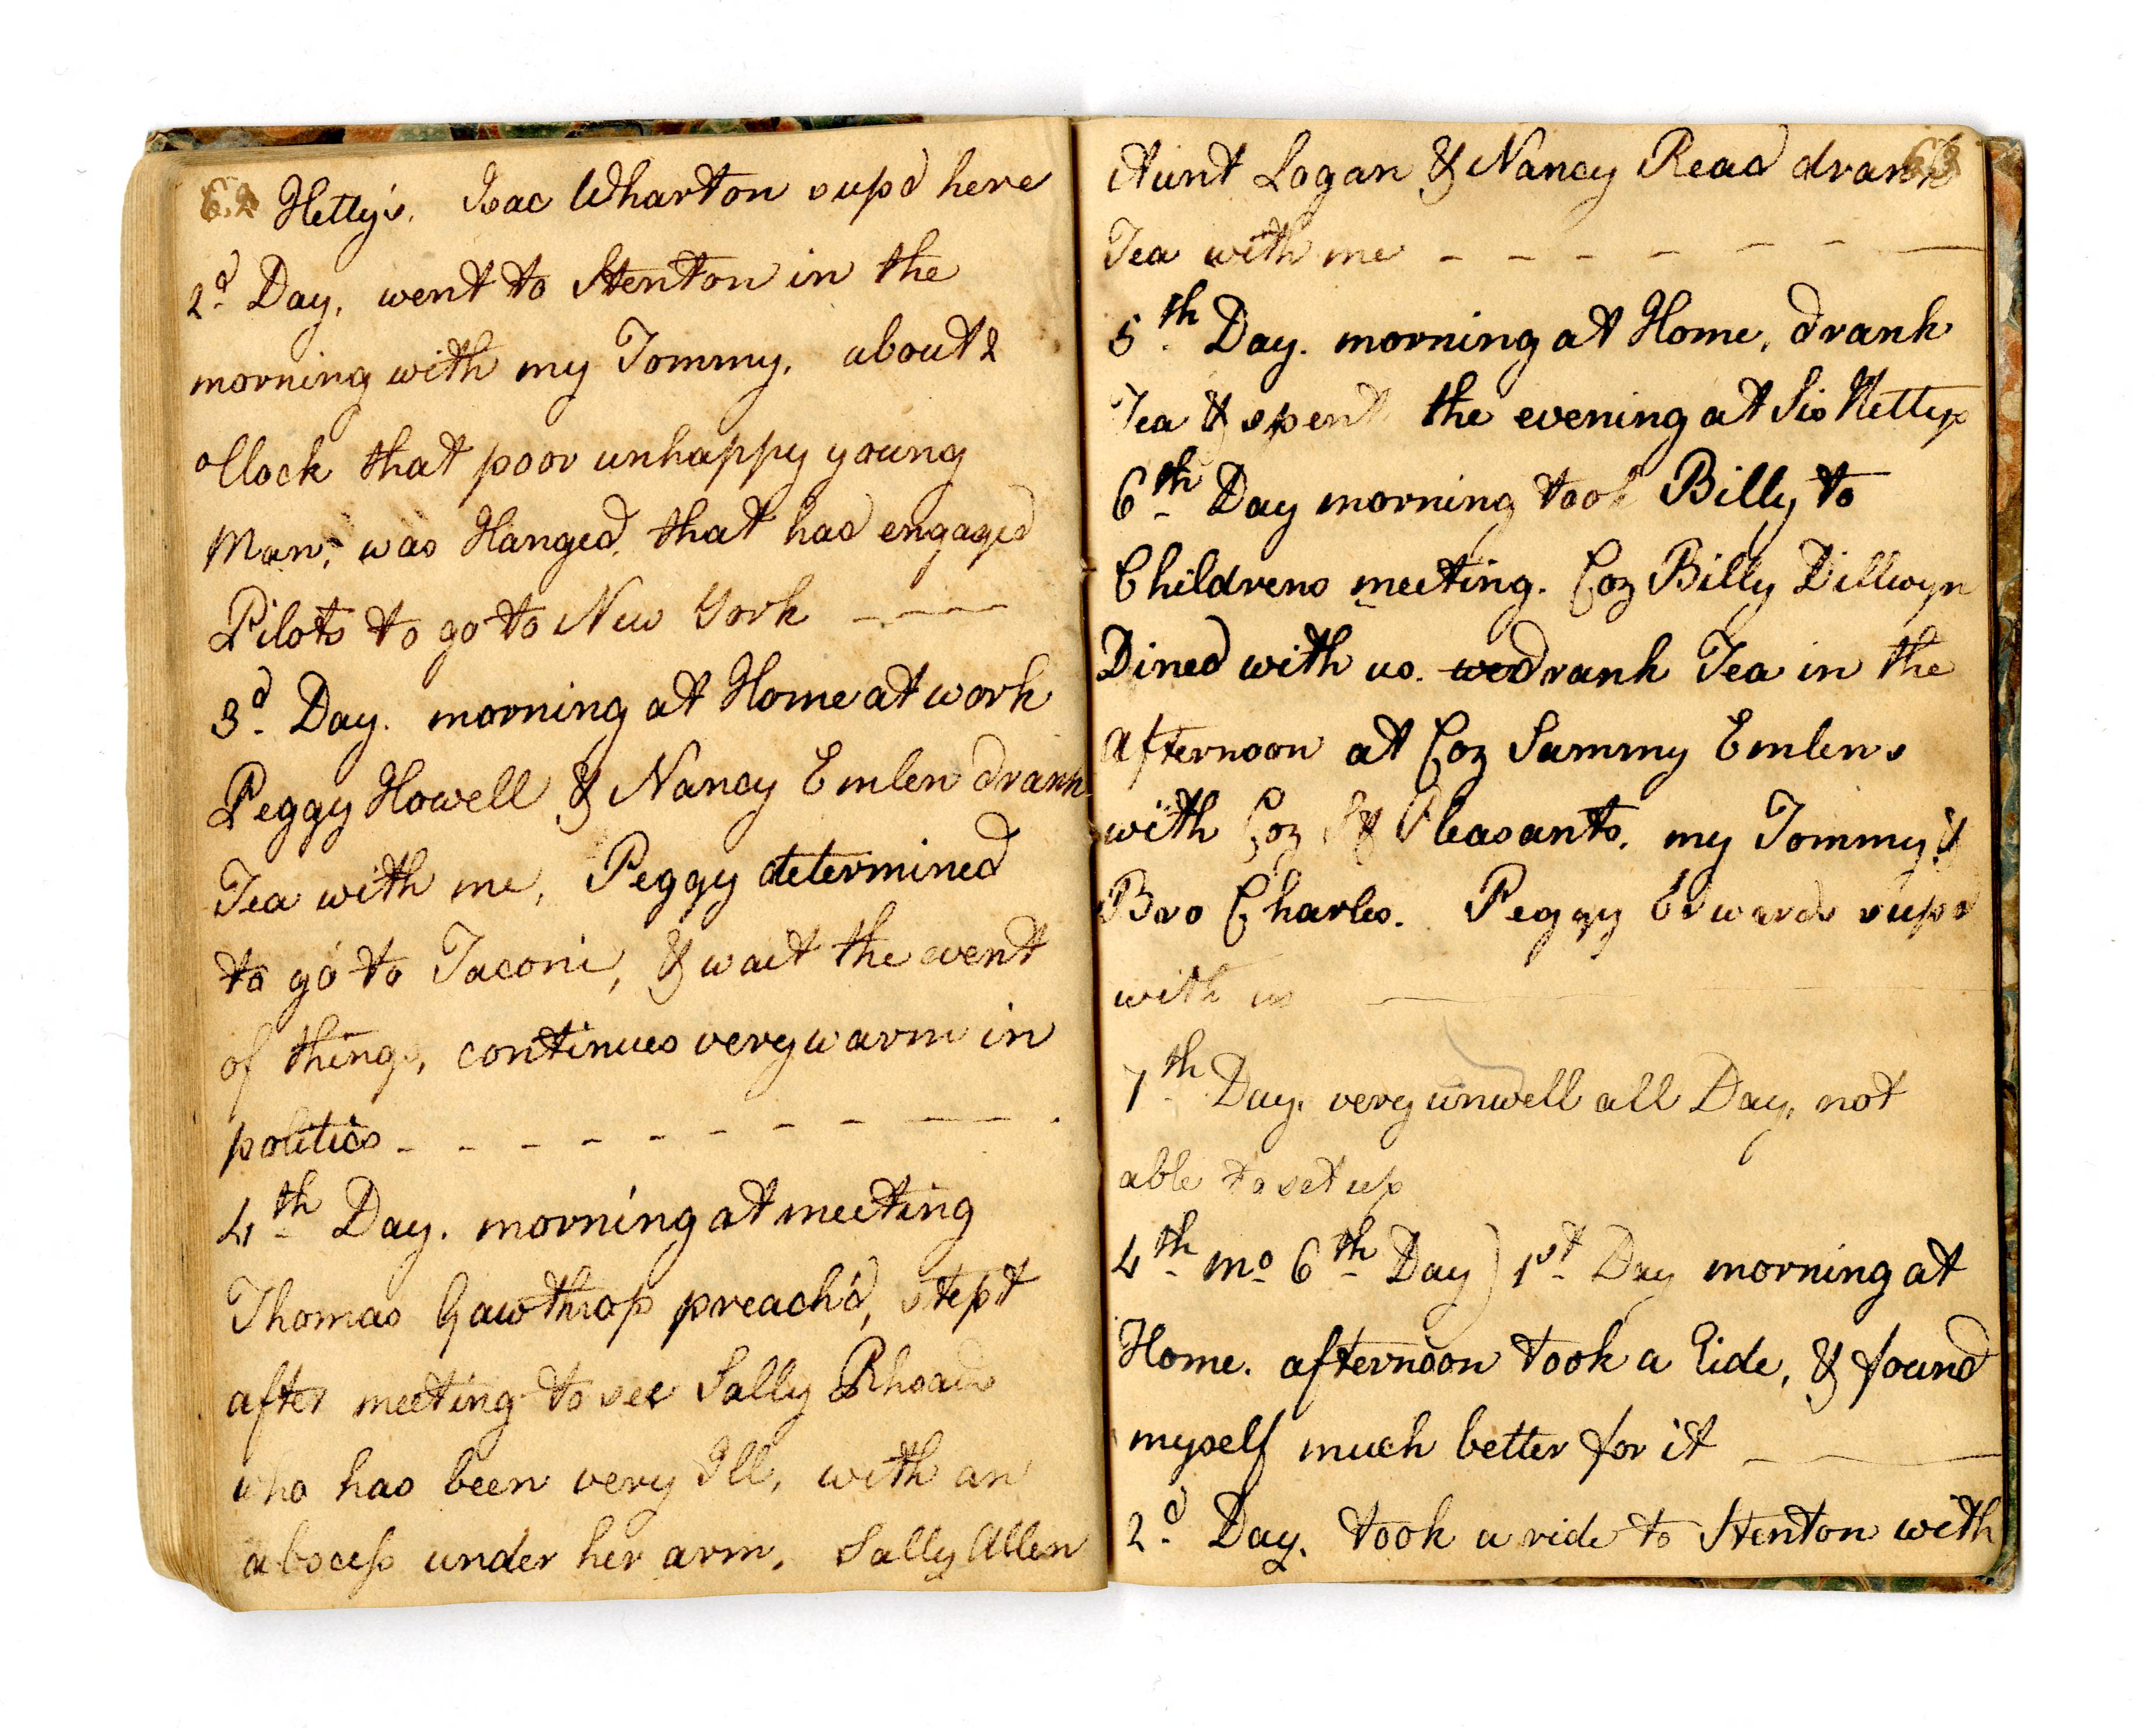Hetty's. Isac Wharton supd here
3^d Day. went to Stenton in the
morning with my Tommy, about 2
^oClock that poor unhappy young
Man, was Hanged that has engaged
Pilots to go to New York-
3^d. Day. morning at Home at work
Peggy Howell & Nancy Emlen drank
Tea with me, Peggy determined
to go to Taconi, & wait the event
of things, continues very warm in
politics-
4^th Day. morning at meeting
Thomas Gawthrop preach'd, stept
after meeting to see Sally Rhoads
who has been very Ill, with an
abscess under her arm, Sally Allen
Aunt Logan & Nancy Read drank
Tea with me -
5^th Day. morning at Home, drank
Tea & spent the evening at Sis Hettys
6^th Day morning took Billy to
Childrens meeting. Coz Billy Dillwyn
Dined with us. [we] drank Tea in the
Afternoon at Coz Sammy Emlens
with Coz S& Pleasants. my Tommy &
Bro Charles. Peggy Edwards supd
with us
7^th. Day, very unwell all Day, not
able to set up
4^th m^o 6^th Day ) 1^st Day morning at
Home. afternoon took a ride, & found
myself much better for it-
2^d Day. took a ride to Stenton with